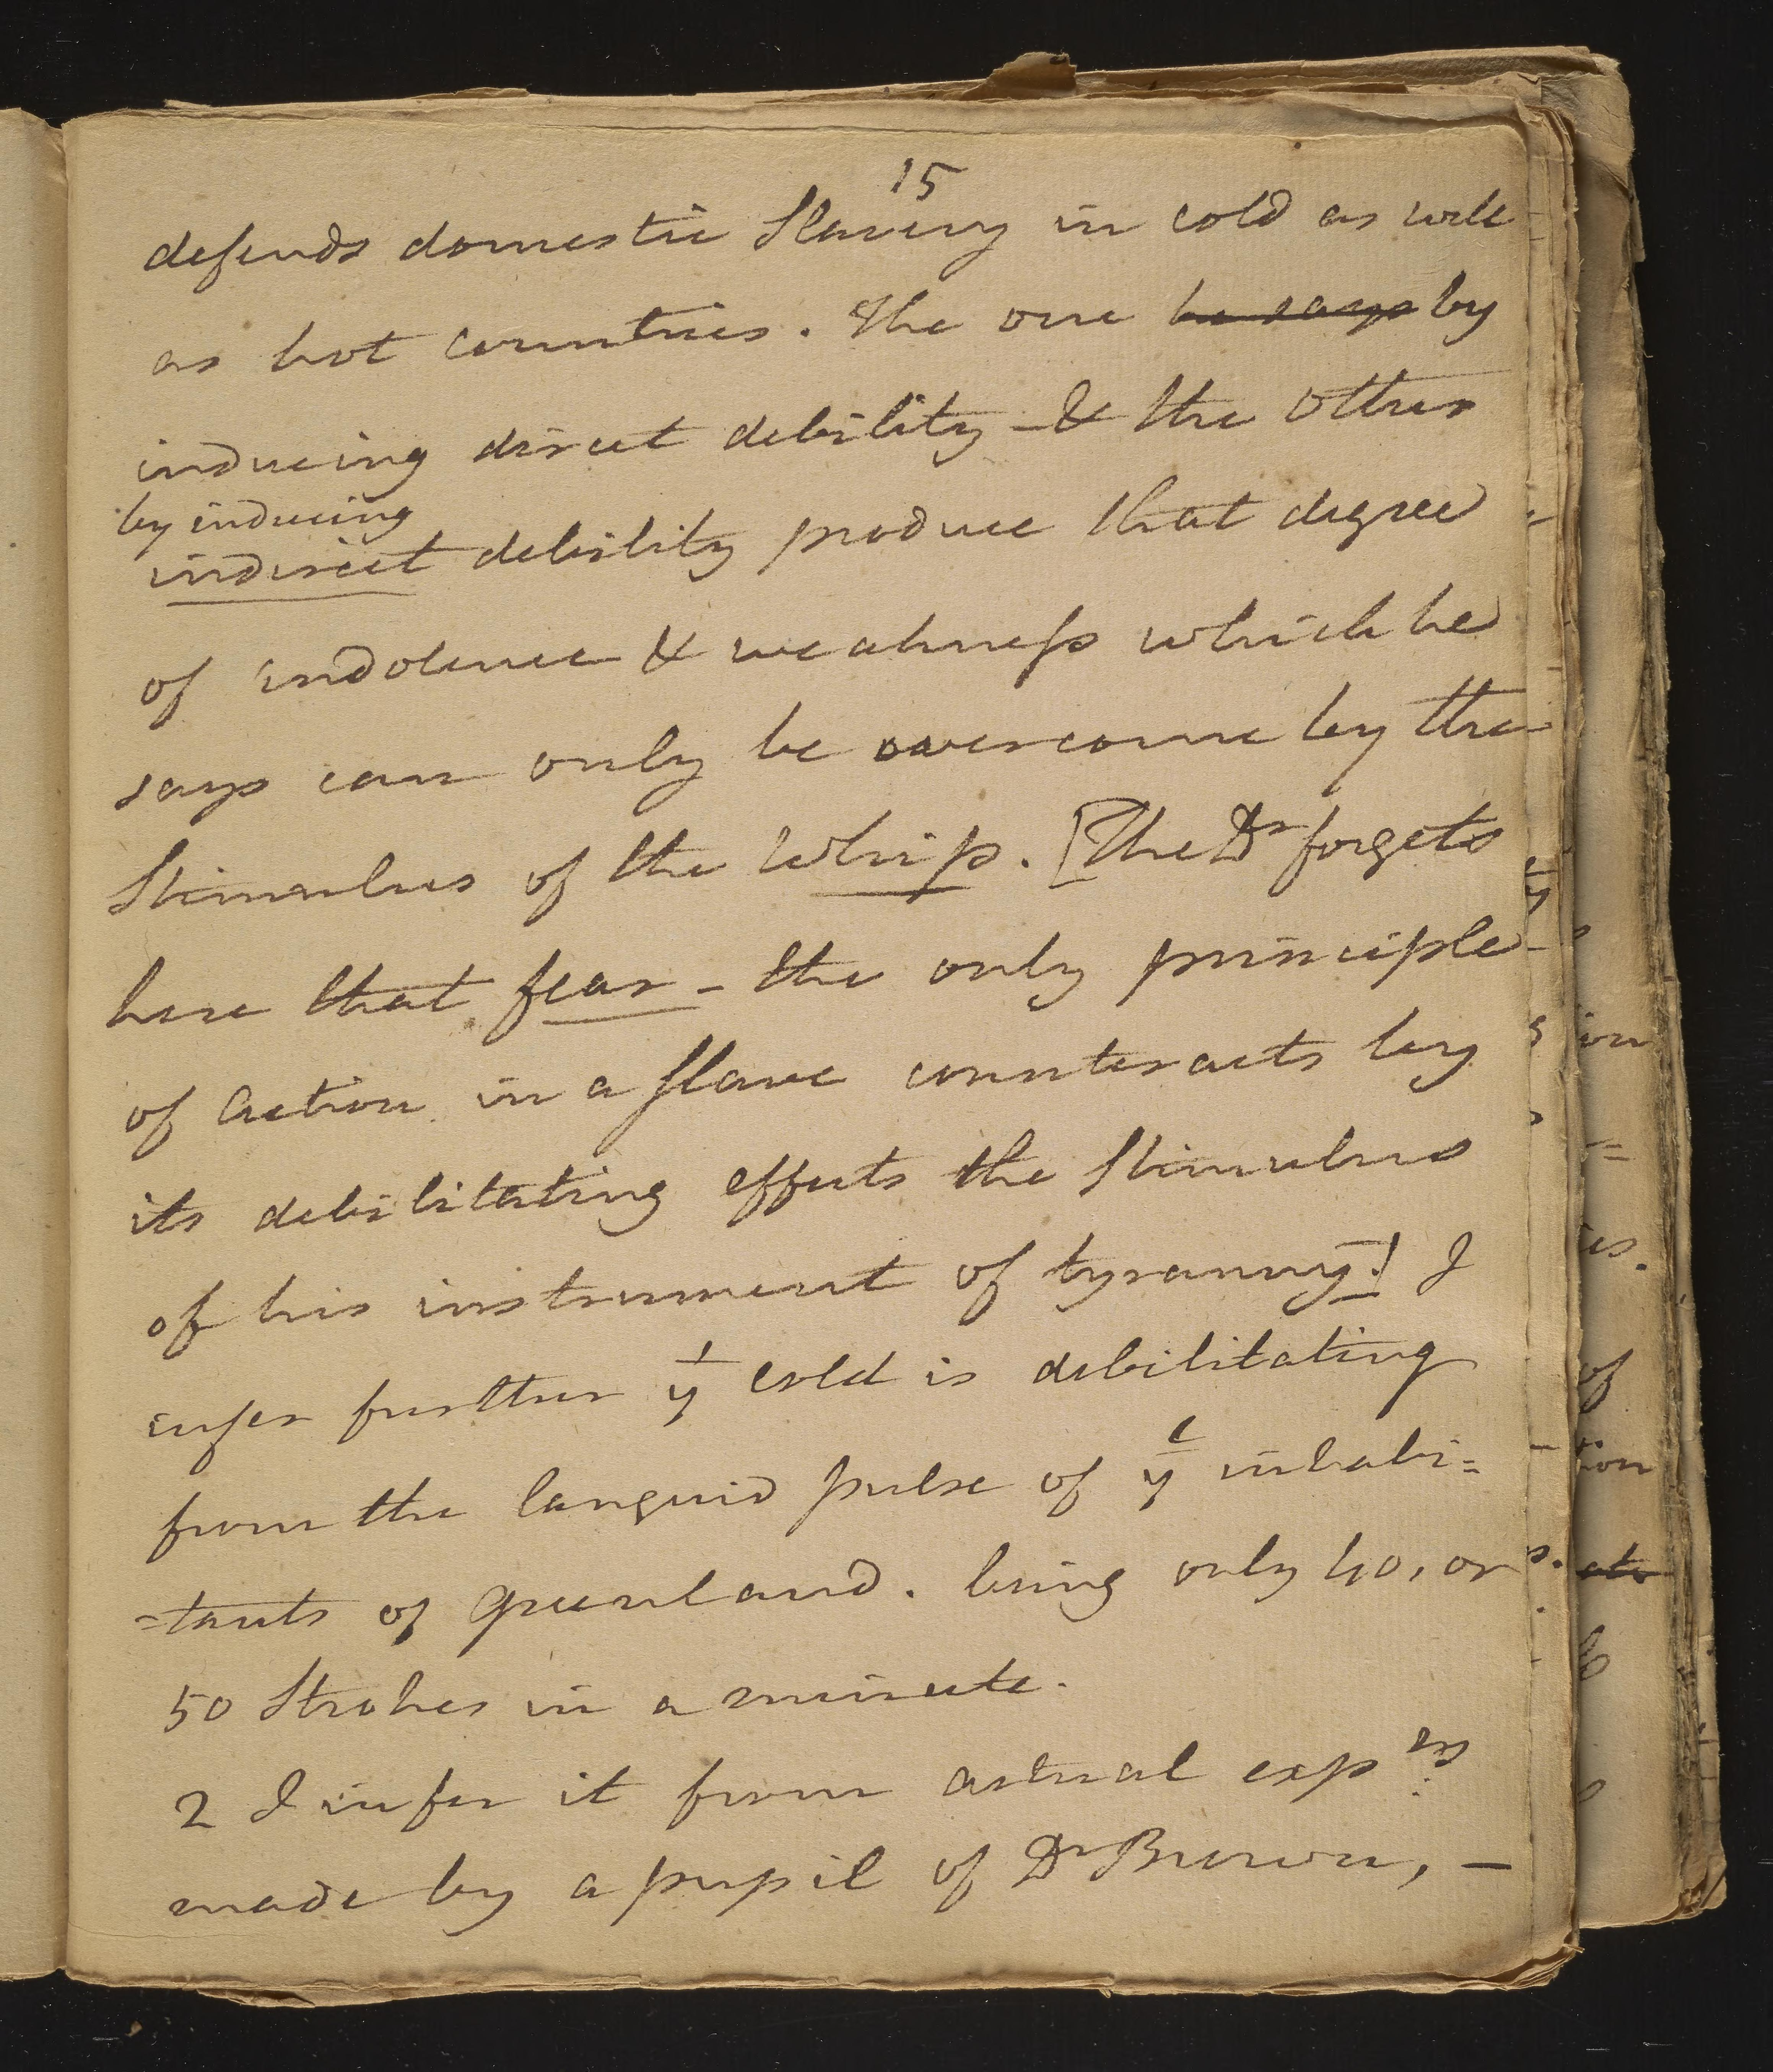15
defends domestic slavery in cold as well
as hot countries. The one [he says] by
inducing direct debility & the others
by inducing
indirect debility produce that degree
of indolence & weakess which he
says can only be overcome by the
stimulus of the whip. (The D^r forgets
here that fear, the only principle
of action in a slave counteracts by
its debilitating effects the stimulus
of his instrument of tyranny.) I
infer further y^e cold is debilitating
from the languid pulse of y^e inhabi-
-tants of Greenland being only 40, or
50 strokes in a minute.
2 I infer it from arteral exp^n
made by a pupil of D^r Brown,